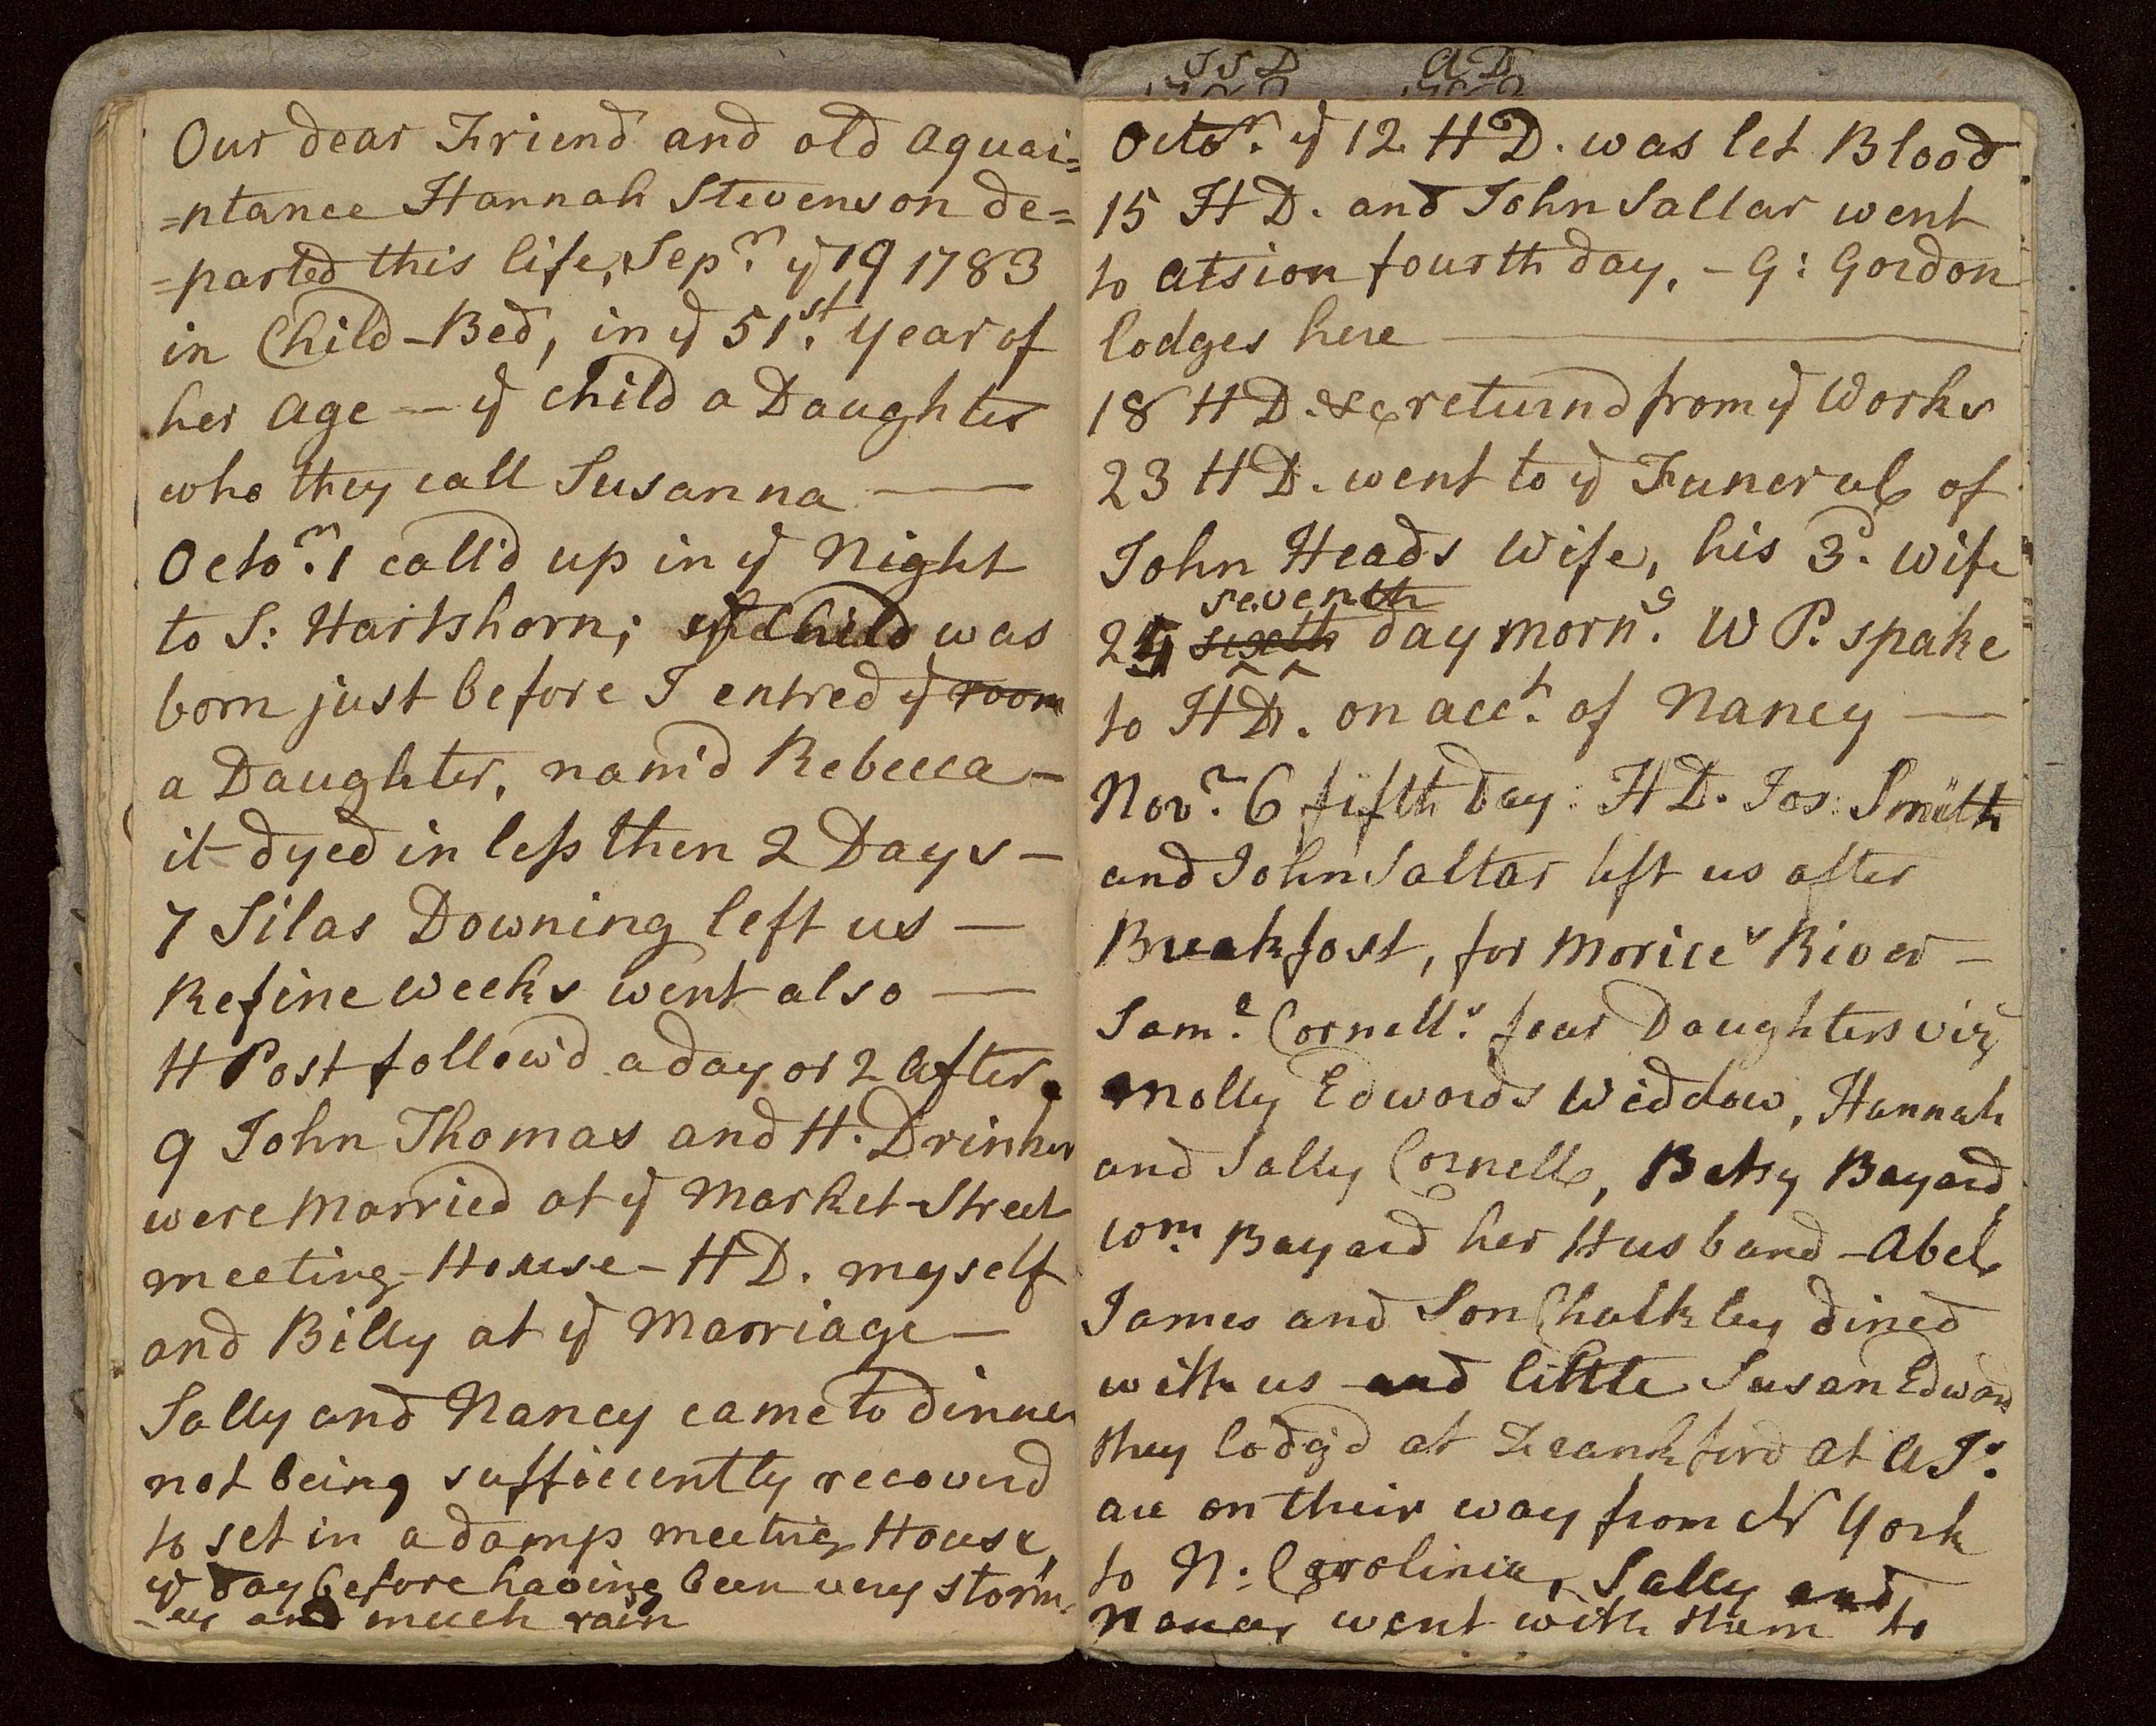Our dear Friend and old aquai-
-ntance Hannah Stevenson de-
-parted this life, Sep^r. y^e 19 1783
in Child- Bed, in y^e 51^st. Year of
her age- y^e child a Daughter
who they call Susanna.-
Octo^r. 1 call'd up in y^e Night
to S: Hartshorn; y^e child was
born just before I entred y^e room
a Daughter, nam'd Rebecca-
it dyed in less then 2 Days-
7 Silas Downing left us-
Refine weeks went also-
H Post follow'd a day or 2 after.
9 John Thomas and H. Drinker
were married at y^e Market street
meeting House- HD. myself
and Billy at y^e Marriage-
Sally and Nancy came to dinner
not being sufficiently recoverd
to set in a damp meeting House,
y^e day before having been very storm-
-ey and much rain
Octo^r. y^e 12 HD. was let Blood
15 HD. and John Saltar went
to Atsion fourth day,- G: Gordon
lodges here-
18 HD &c returnd from y^e Works
23 HD-went to y^e Funeral of
John Heads wife, his 3^d. wife
seventh
24 [sixth] day morn^g. W P. spake
to HD. on acc^t. of Nancy
Nov^r. 6 fifth day: H D. Jos: Smith
and John Saltar left us after
Breakfost, for Morice^s River
Sam^l. Cornell^s. four Daughters viz
Molly Edwards Widdow, Hannah
and Sally Cornells, Betsy Bayard
W^m. Bayard and her Husband- Abel
James and Son Chalkley dined
with us- and little Susan Edward
they lodg'd at Frankford at A J^s
are on their way from N York
to N. Carolinia, Sally and
Nancy went with them to